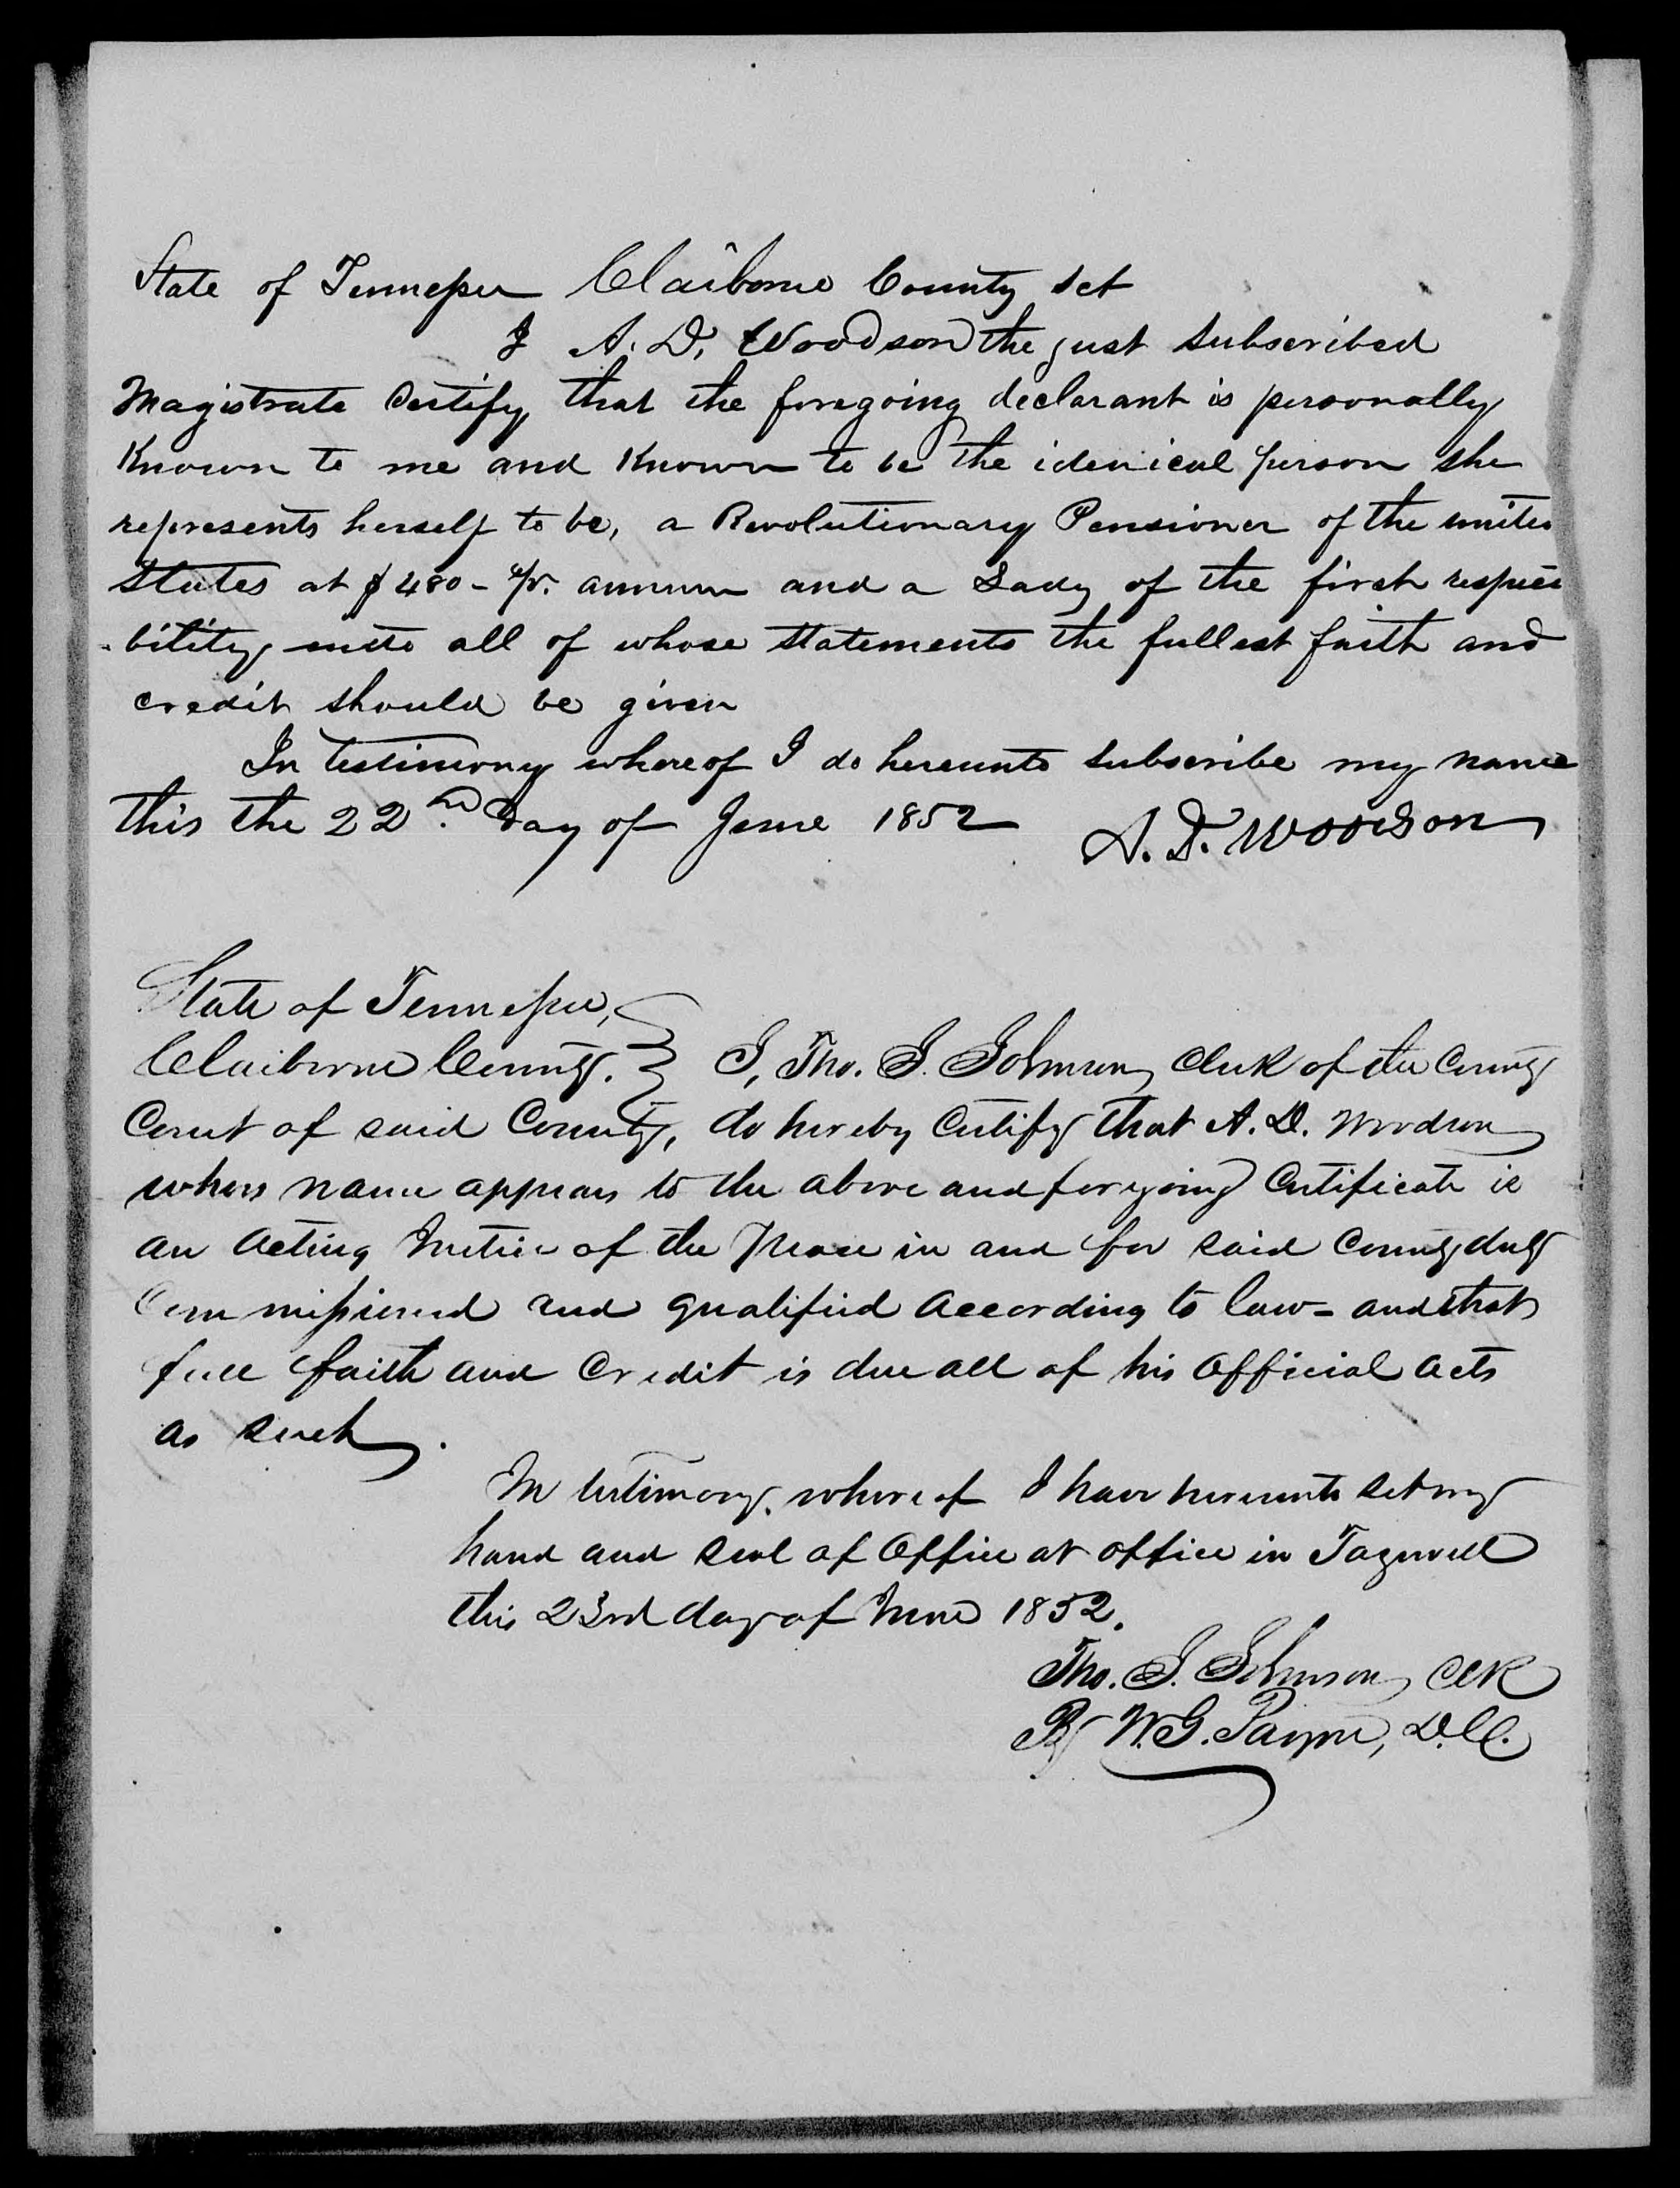State of Tennessee Claiborne County Set
I A.D. Woodson the just subscribed
Magistrate certify that the foregoing declarant is personally
Known to me and Known to be the identical person she
represents herself to be, a Revolutionary Pensioner of the United States
at $480- pr annum and a Lady of the first respect
-bility unto all of whose statements the fullest faith and
credit should be given
In testimony whereof I do hereunto subscribe my name
this the 22nd day of June 1852
A. D. Woodson

State of Tennessee )
Claiborne County.   )
I, Tho. J. Johnson Clerk of the County
Court of said County, do hereby certify that A. D. Woodson 
whose name appears to the above and forgoing Certificate is
an Acting Justice of the peace in and for said County duly
commissioned and qualified according to law and that
full faith and credit is due all of his official acts
as such
In testimony whereof I have hereunto set my
hand and seal of Office at office in Tazewell
this 23rd day of June 1852
Tho. J. Johnson Clk
By W. G. Payne, D.C.C.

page: 114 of 120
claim: widow's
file: W. 1044, for Salathiel Martin, North Carolina